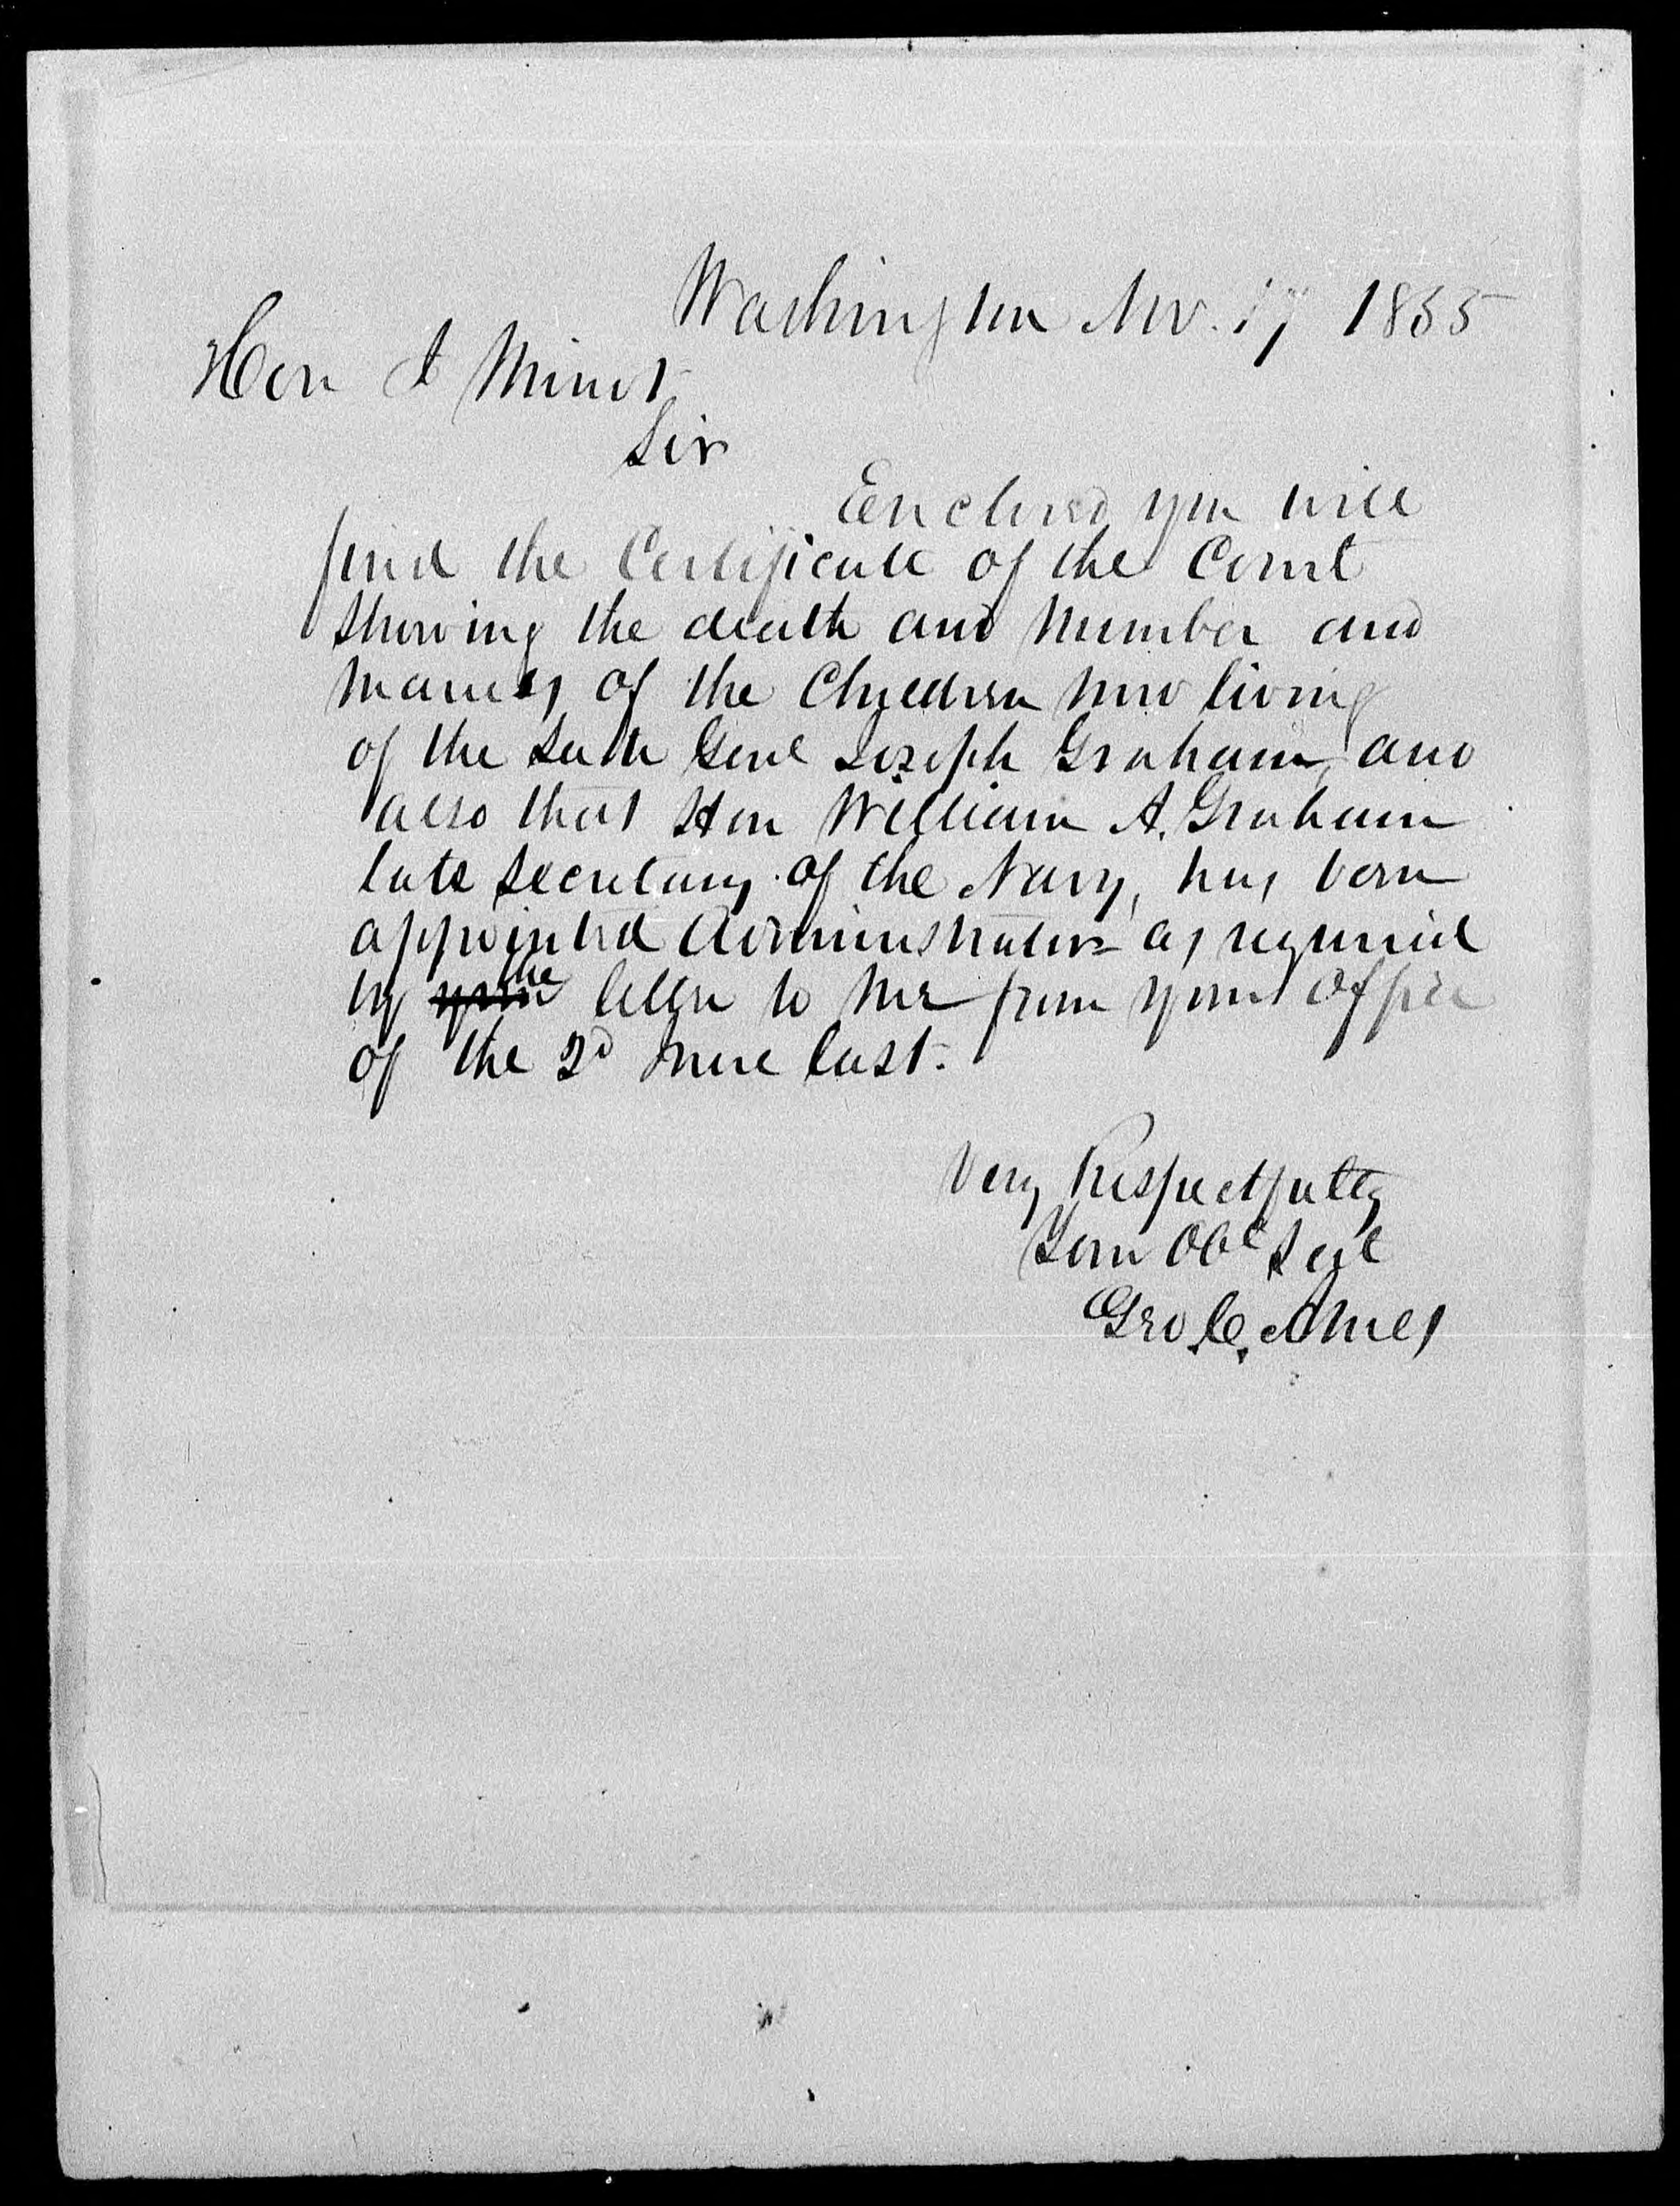Washington Nov. 17 1855

Hon. J. Minot

Sir

Enclosed you will find the certificte of the Court showing the death and number and names of the Chyldren now living of the said Gen'l. Joseph Graham and also that Hon. William A. Graham late Secretary of the Navy, has been appointed Administrator as required by the letter to me from your office of the 2d June last.
Very Respectfully
Your Obt. Srvt.
Geo. C. Ames
[Signature]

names: Geo C Ames, J Minot, William A Graham, Joseph Graham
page: 41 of 55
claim: survivor's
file: S. 6,937, Joseph Graham, N.C.